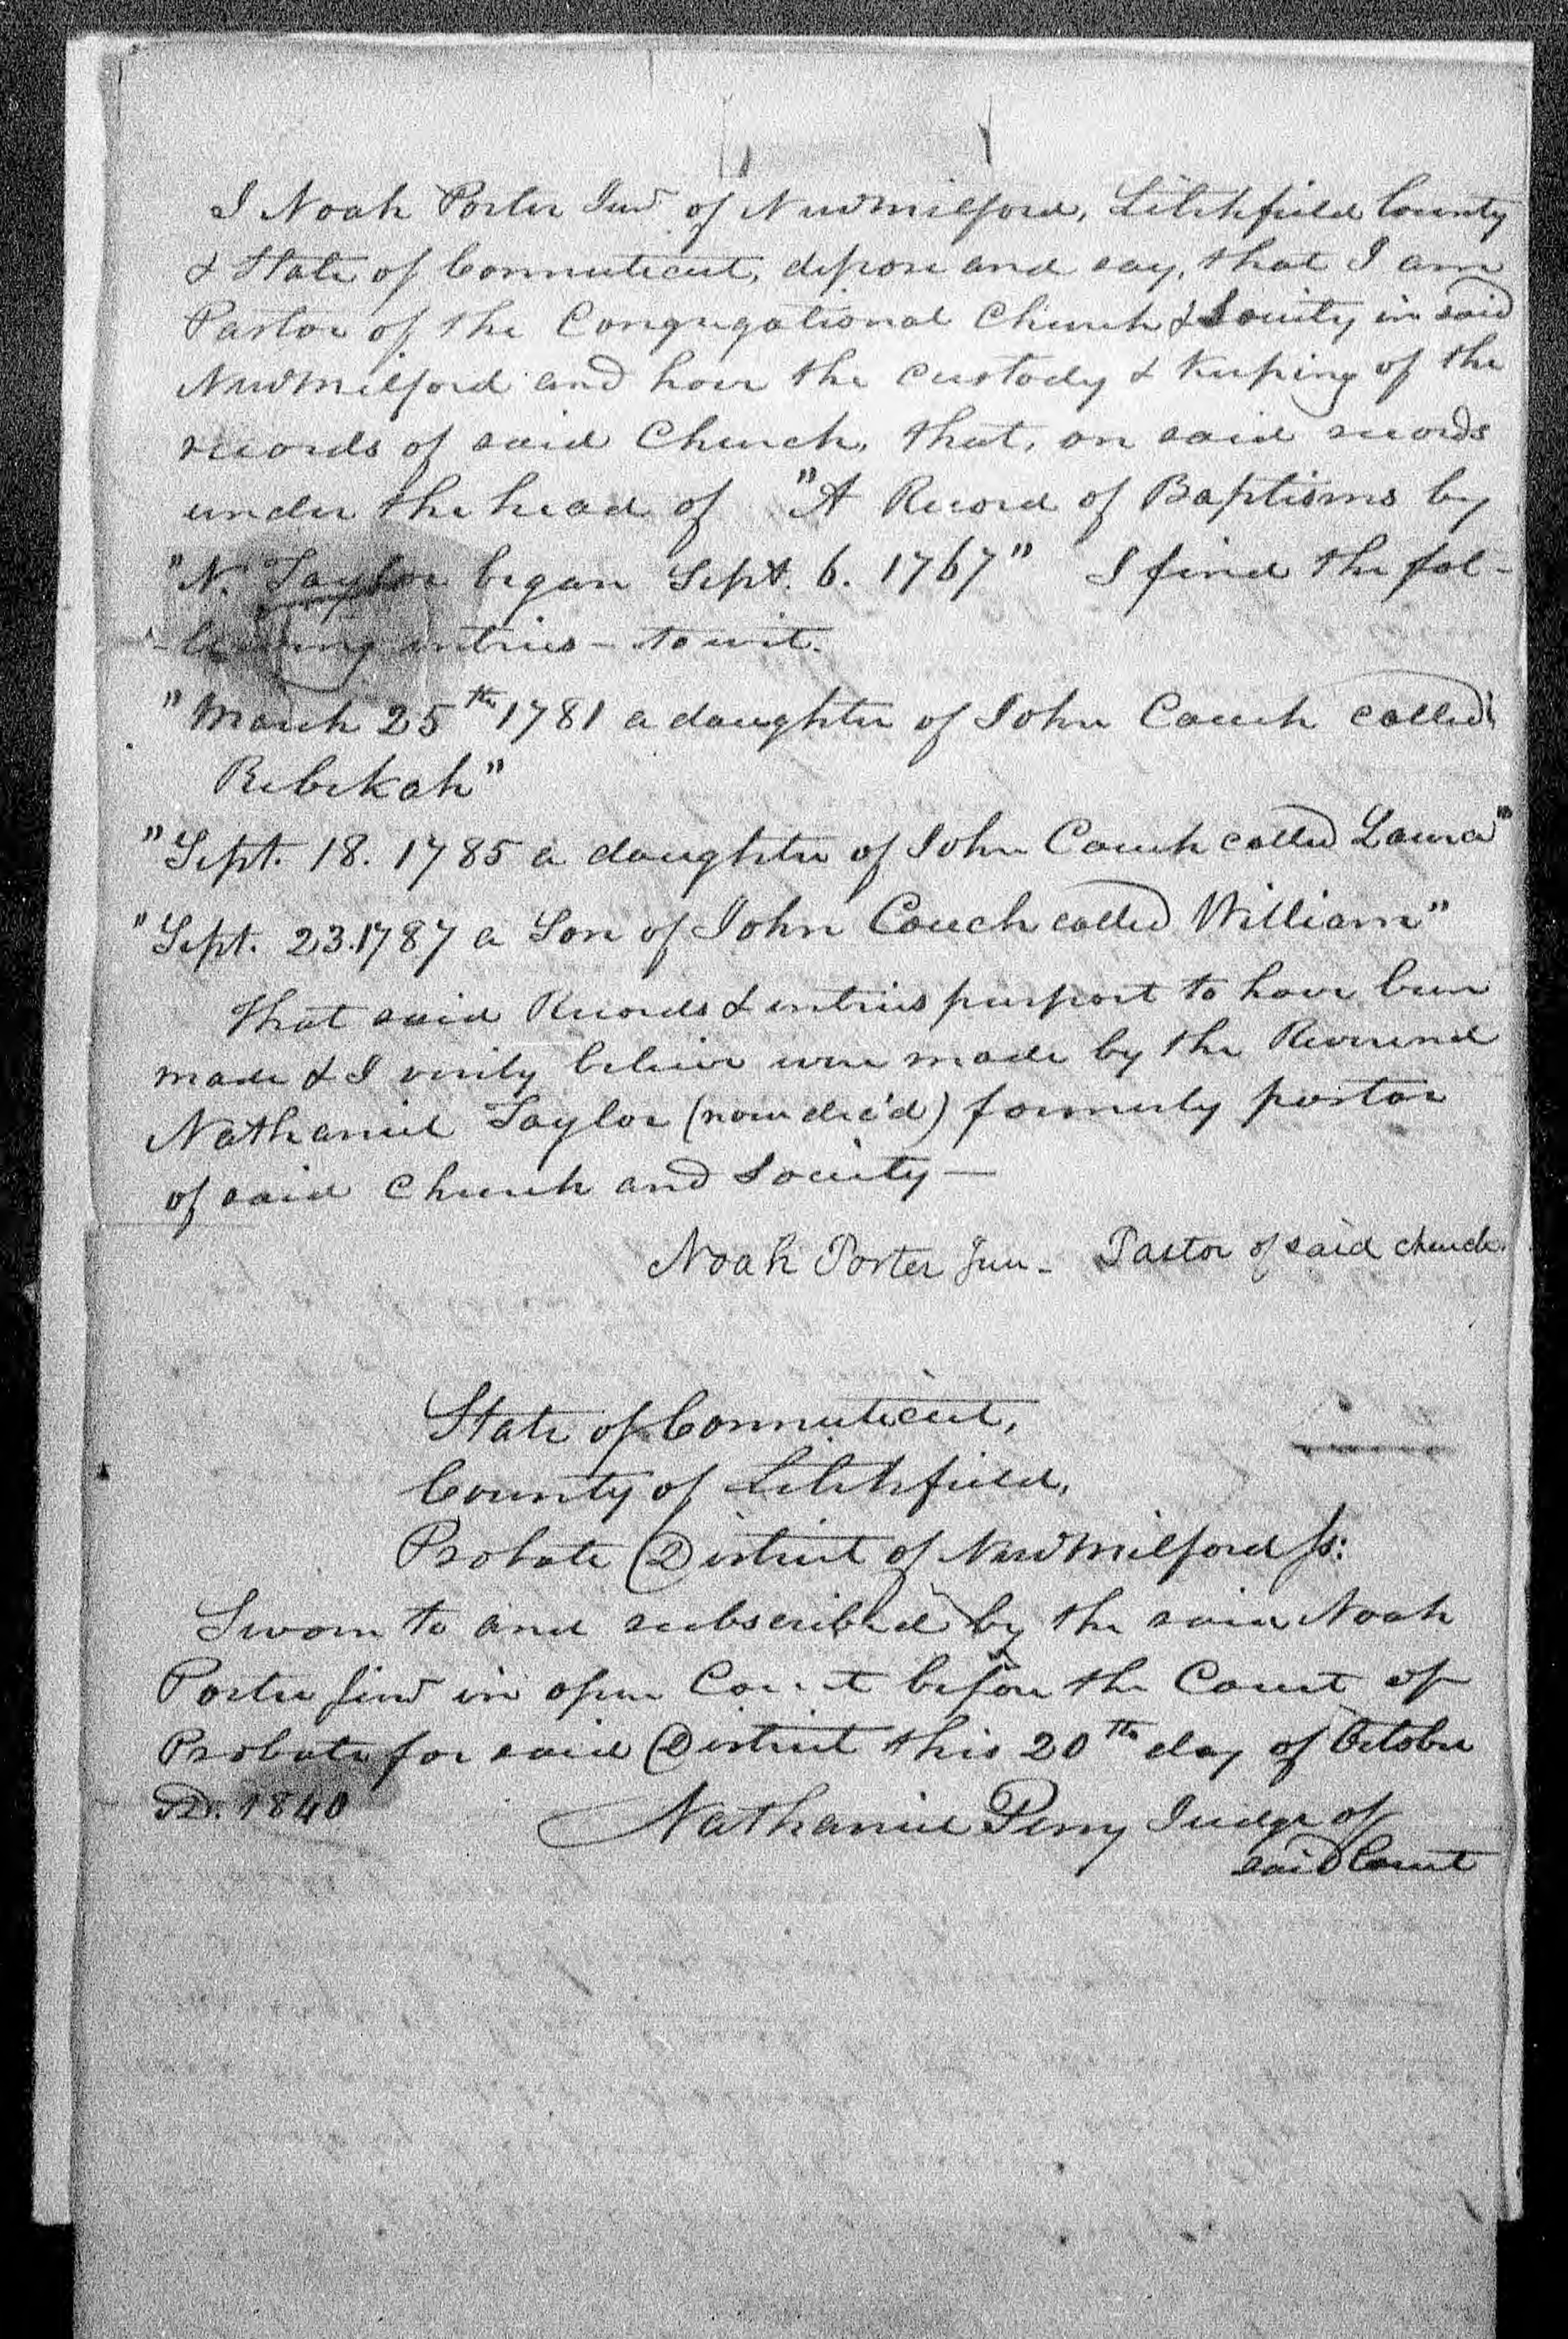I Noah Porter Jr of New Milford, Litchfield County & State of Connecticut, depose and say, that I am Pastor of the Congregational  Church & Society in said New Milford and have the custody & keeping of the records of said Church, that, on said records under the head of "A Record of Baptisms by N. Taylor began Sept 6, 1767" I find the following entries- to wit
"March 25th 1781 a daughter of John Couch called Rebekah"
"Sept 18, 1785 a daughter of John Couch called Laura"
"Sept 23, 1787 a son of John Couch called William"
That said Records & entries purport to have been made & I verily believe were made by the Reverend Nathaniel Taylor (now dead) formerly pastor of said Church and Society.
Noah Porter Junr- Pastor of said Church

State of Connecticut
County of Litchfield
Probate District of New Milford ss:
Sworn to and subscribed by the said Noah Porter Junr in open Court before the Court of Probate for said District this 20th day of October AD 1840
Nathaniel Perry Judge of said Court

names: Nathaniel Perry, Noah Porter, N Taylor, John Couch, John Couch, Nathaniel Taylor, Noah Porter, John Couch, Rebekah, Laura, William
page: 10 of 68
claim: rejected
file: R. 2,360, John Couch, Conn.